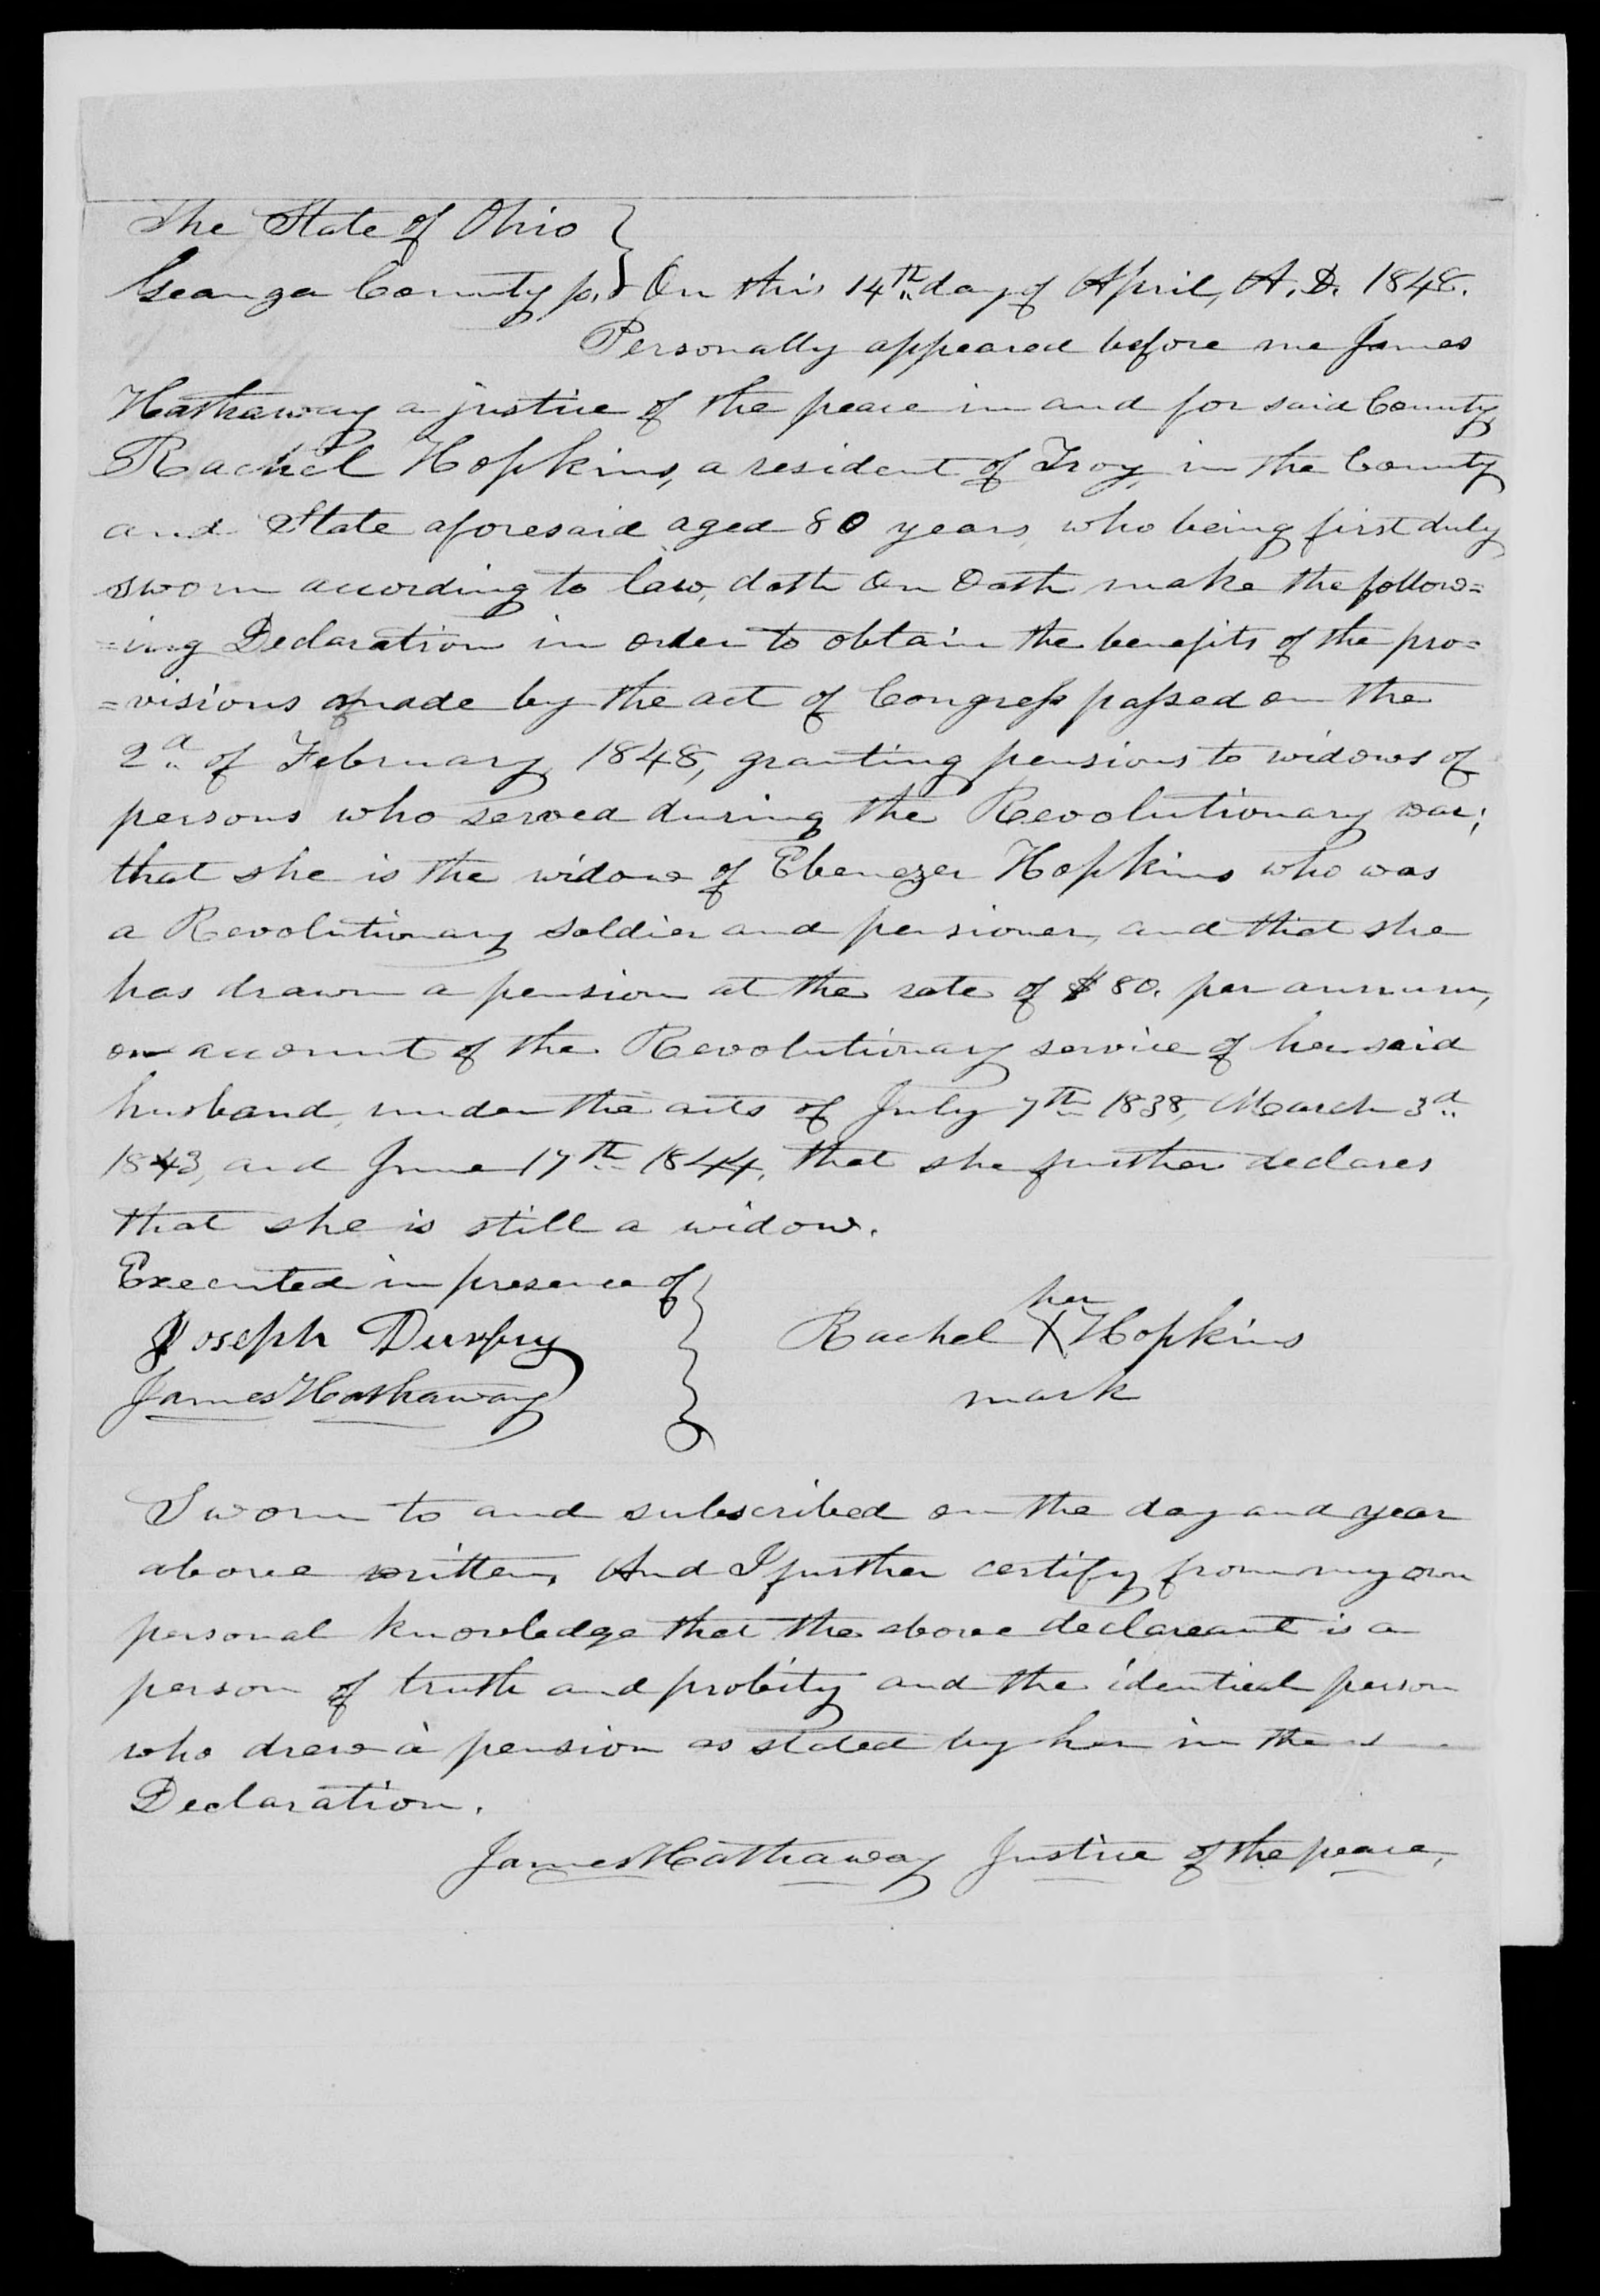The State of Ohio 
Geauga County ⎬ On this 14th day of April, A.D. 1848.
Personally appeared before me James Hathaway a justice of the peace in and for said County Rachel Hopkins, a resident of Troy in the County and State aforesaid aged 80 years who being first duly sworn according to law, doth on Oath make the following Declaration in order to obtain the benefits of the provisions made by the act of Congress passed on the 2d of February 1848, granting pensions to widows of persons who served during the Revolutionary war; that she is the widow of Ebenezer Hopkins who was a Revolutionary soldier and pensioner, and that she has drawn a pension at the rate of $80. per annum, on account of the Revolutionary service of her said husband, under the acts of July 7th 1838, March 3d 1843, and June 17th 1844, that she further declares that she is still a widow.
Executed in presence of}
Joseph Dunfry}    Rachel her X mark Hopkins
James Hathaway}
      
Sworn to and subscribed on the day and year
above written. And I further certify from my own
personal knowledge that the above declareant is a 
person of truth and probity and the identical person
who drew a pension as stated by her in the
Declaration.
James Hathaway Justice of the peace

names: Joseph Durfey, James Hathaway, Ebenezer Hopkins, Rachel Hopkins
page: 116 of 144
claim: rejected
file: R. 5208, Dennis Hopkins, N.C.